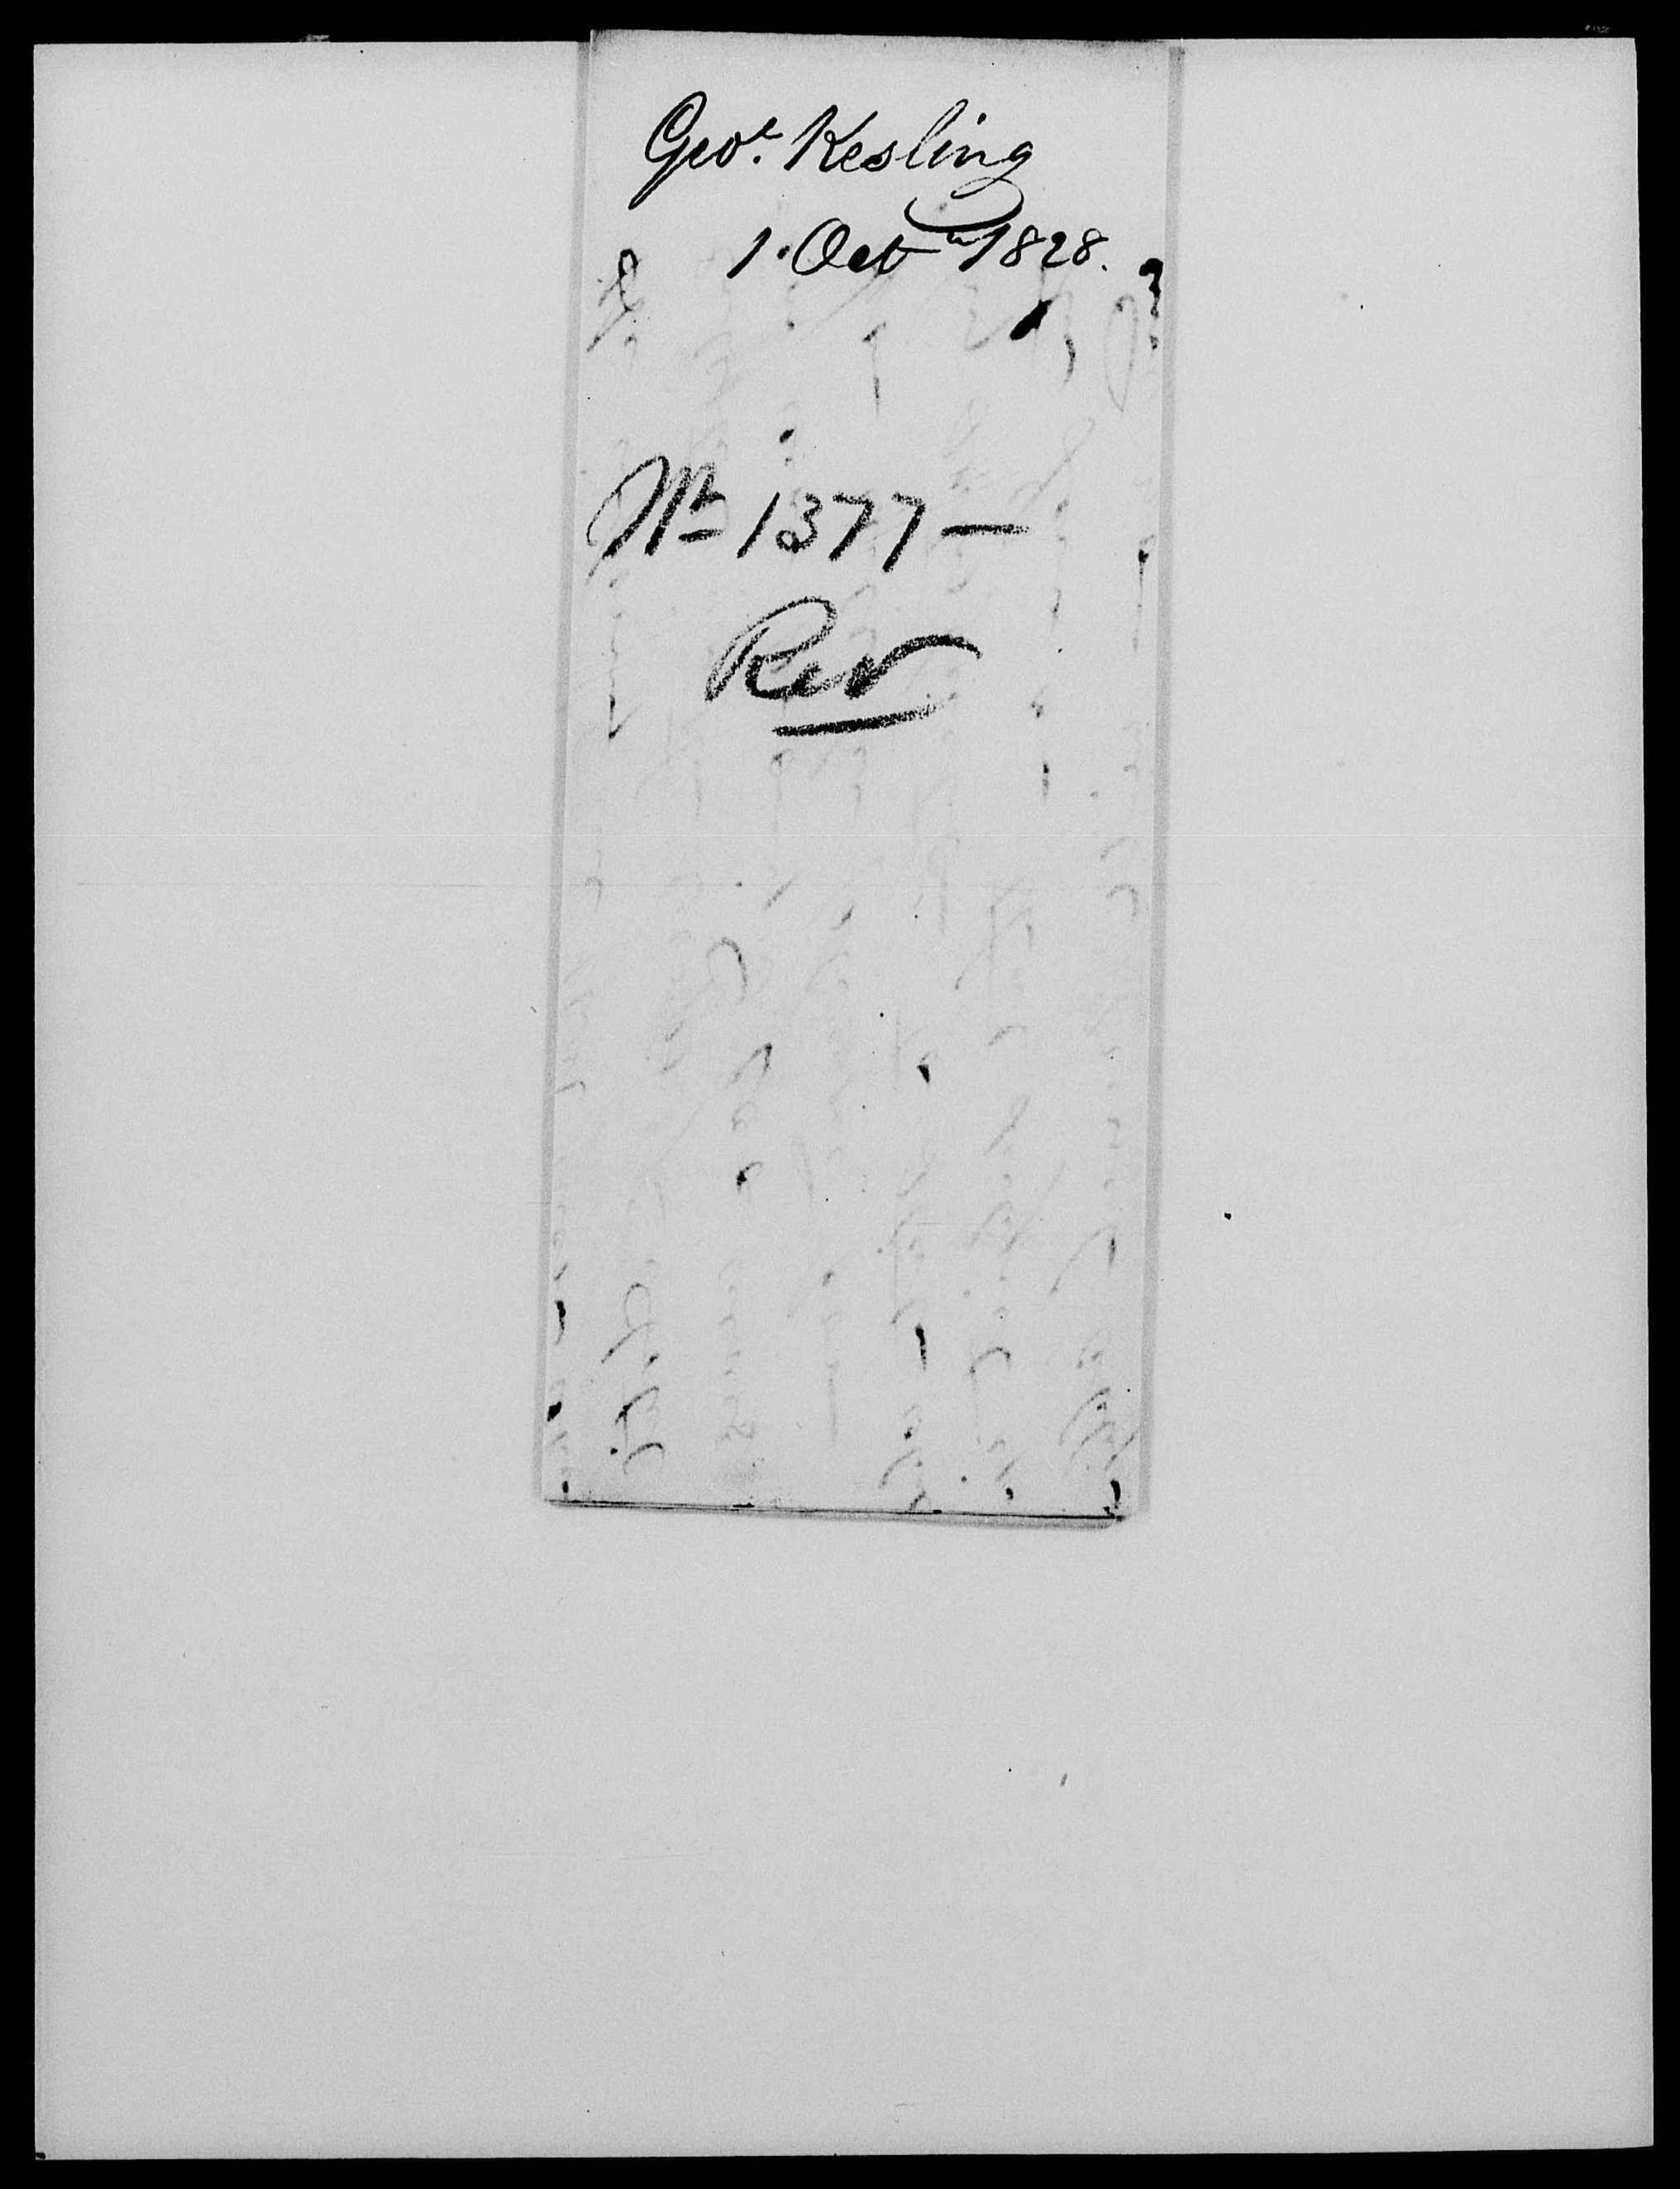Geo. Kesling
1 Oct 1828
W -1377 -
Rev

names: Geoe Kesling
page: 46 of 57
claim: widow's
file: W. 25,739, for James Murphey, Pennsylvania